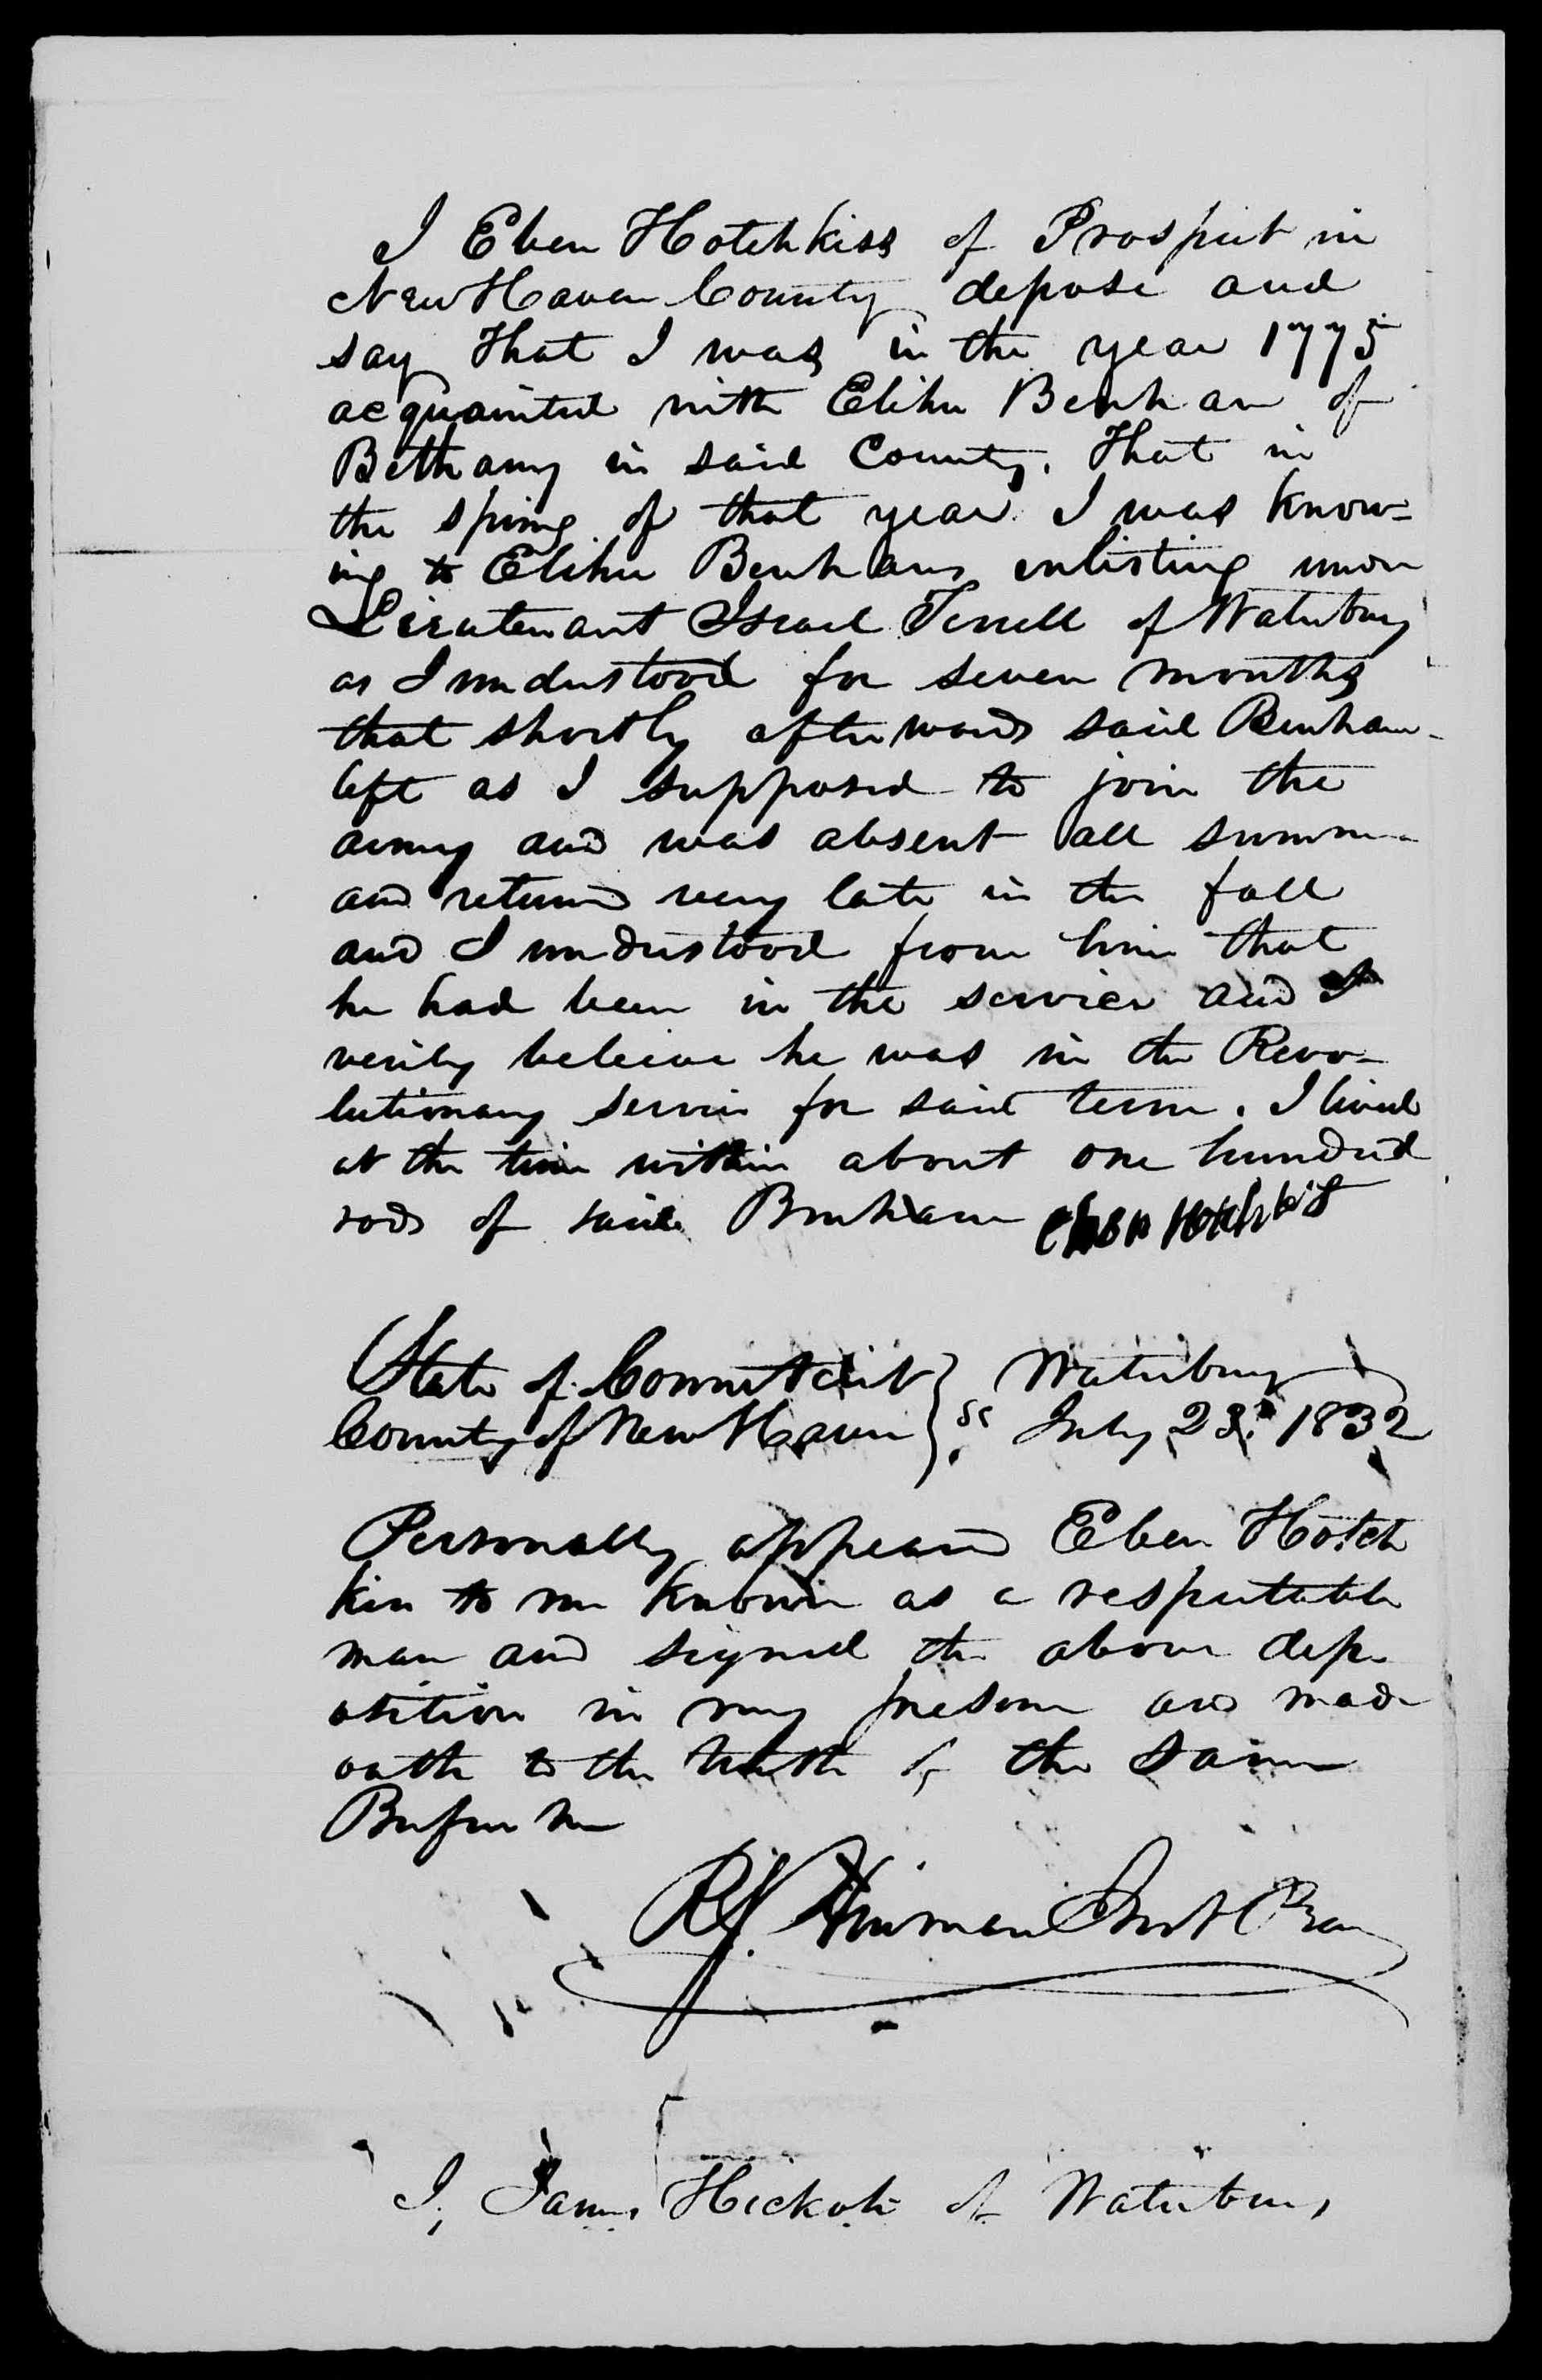I Eben Hotchkiss of Prospect in New Haven County depose and say that I was in the year 1775 acquainted with Elihu Benham of Bethany in said County. That in the spring of that year. I was knowing to Elihu Benhans enlisting under Lieutenant Israel Terrell of Waterbury as I understood for seven months that shortly afterwards said Benham left as I supposed to join the army and was absent all summer and return very late in the fall and I understood from him that he had been in the service and I verily believe he was in the Revolutionary service for said term. I lived at the time within about one hundred rods of said Benham Eben Hotchkiss [signature] 
State of Connecticut County of New Haven} Waterbury July 22 1832 
Personally appeared Eben Hotchkiss to me known as a respectable man and signed the above deposition in my person and made oath to the truth of the same before me 
RS. Hinman Justice of Peace
|
I James Hickox of Waterbury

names: Elihu Benham, Elihu Benham, R S Hinman, Eben Hotchkiss, Eben Hotchkiss, Benham, Eben Hotchkiss, James Hickok, Benham, Israel Terrell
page: 8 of 45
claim: survivor's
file: S. 15748, Elihu Benham, Conn.